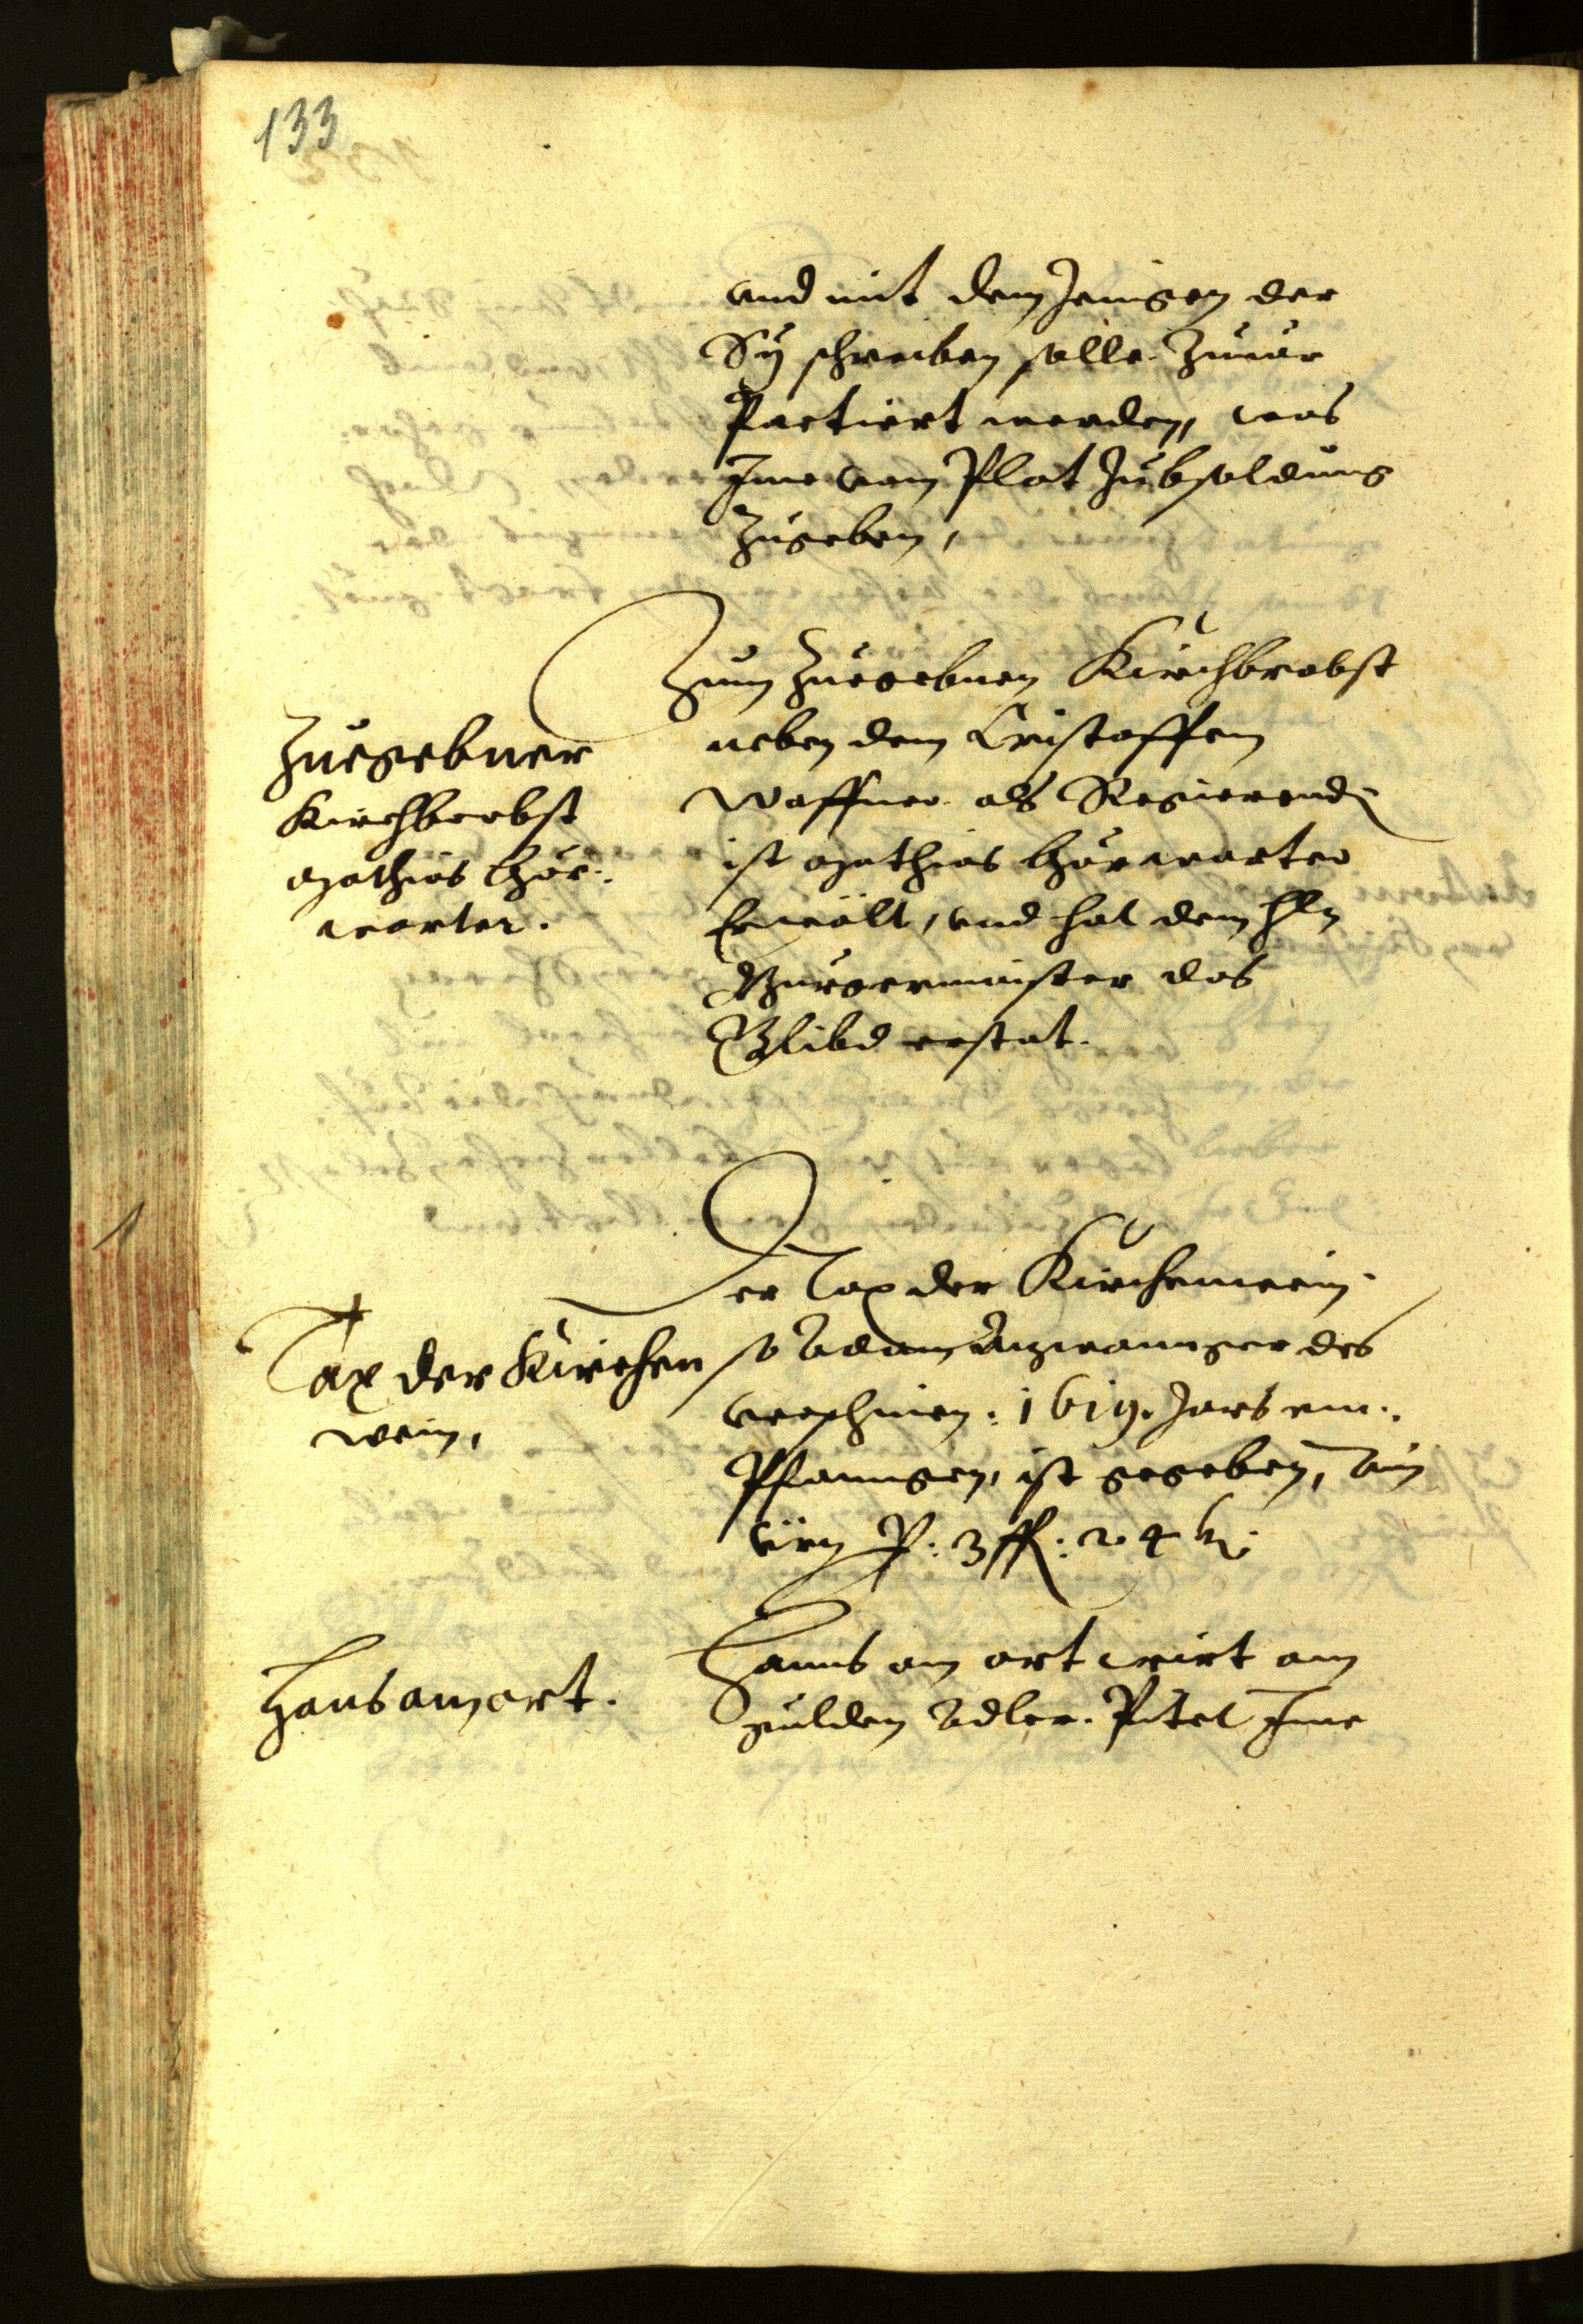133
vnd mit dem Jenigen der
Sȳ schreiben solle. Zūūor
Pactiert werden, was
Ime vom Plat Zū bsoldūng
Zūgeben,
Zūm Zūegebnen Kirchbrobst
neben dem Cristoffen
Waffner. als Regierend.
ist Mathias Hōrwarter
Erwölt, vnd hat dem hln
Būrgermaister das
Glibd erstat.
Zūegebner
Kirchbrobst
Mathias Hōr¬
warter.
Der Tax der Kirchenwein.
so Adam Azwannger des
verschinen: 1619. Jars em¬
Pfanngen, ist gegeben, Ain
v̈rn P: 3 fl: 24 k.
Hanns am ort wirt am
gūlden Adler. Pitet Ime
Tax der Kirchen
wein,
Hans am ort.